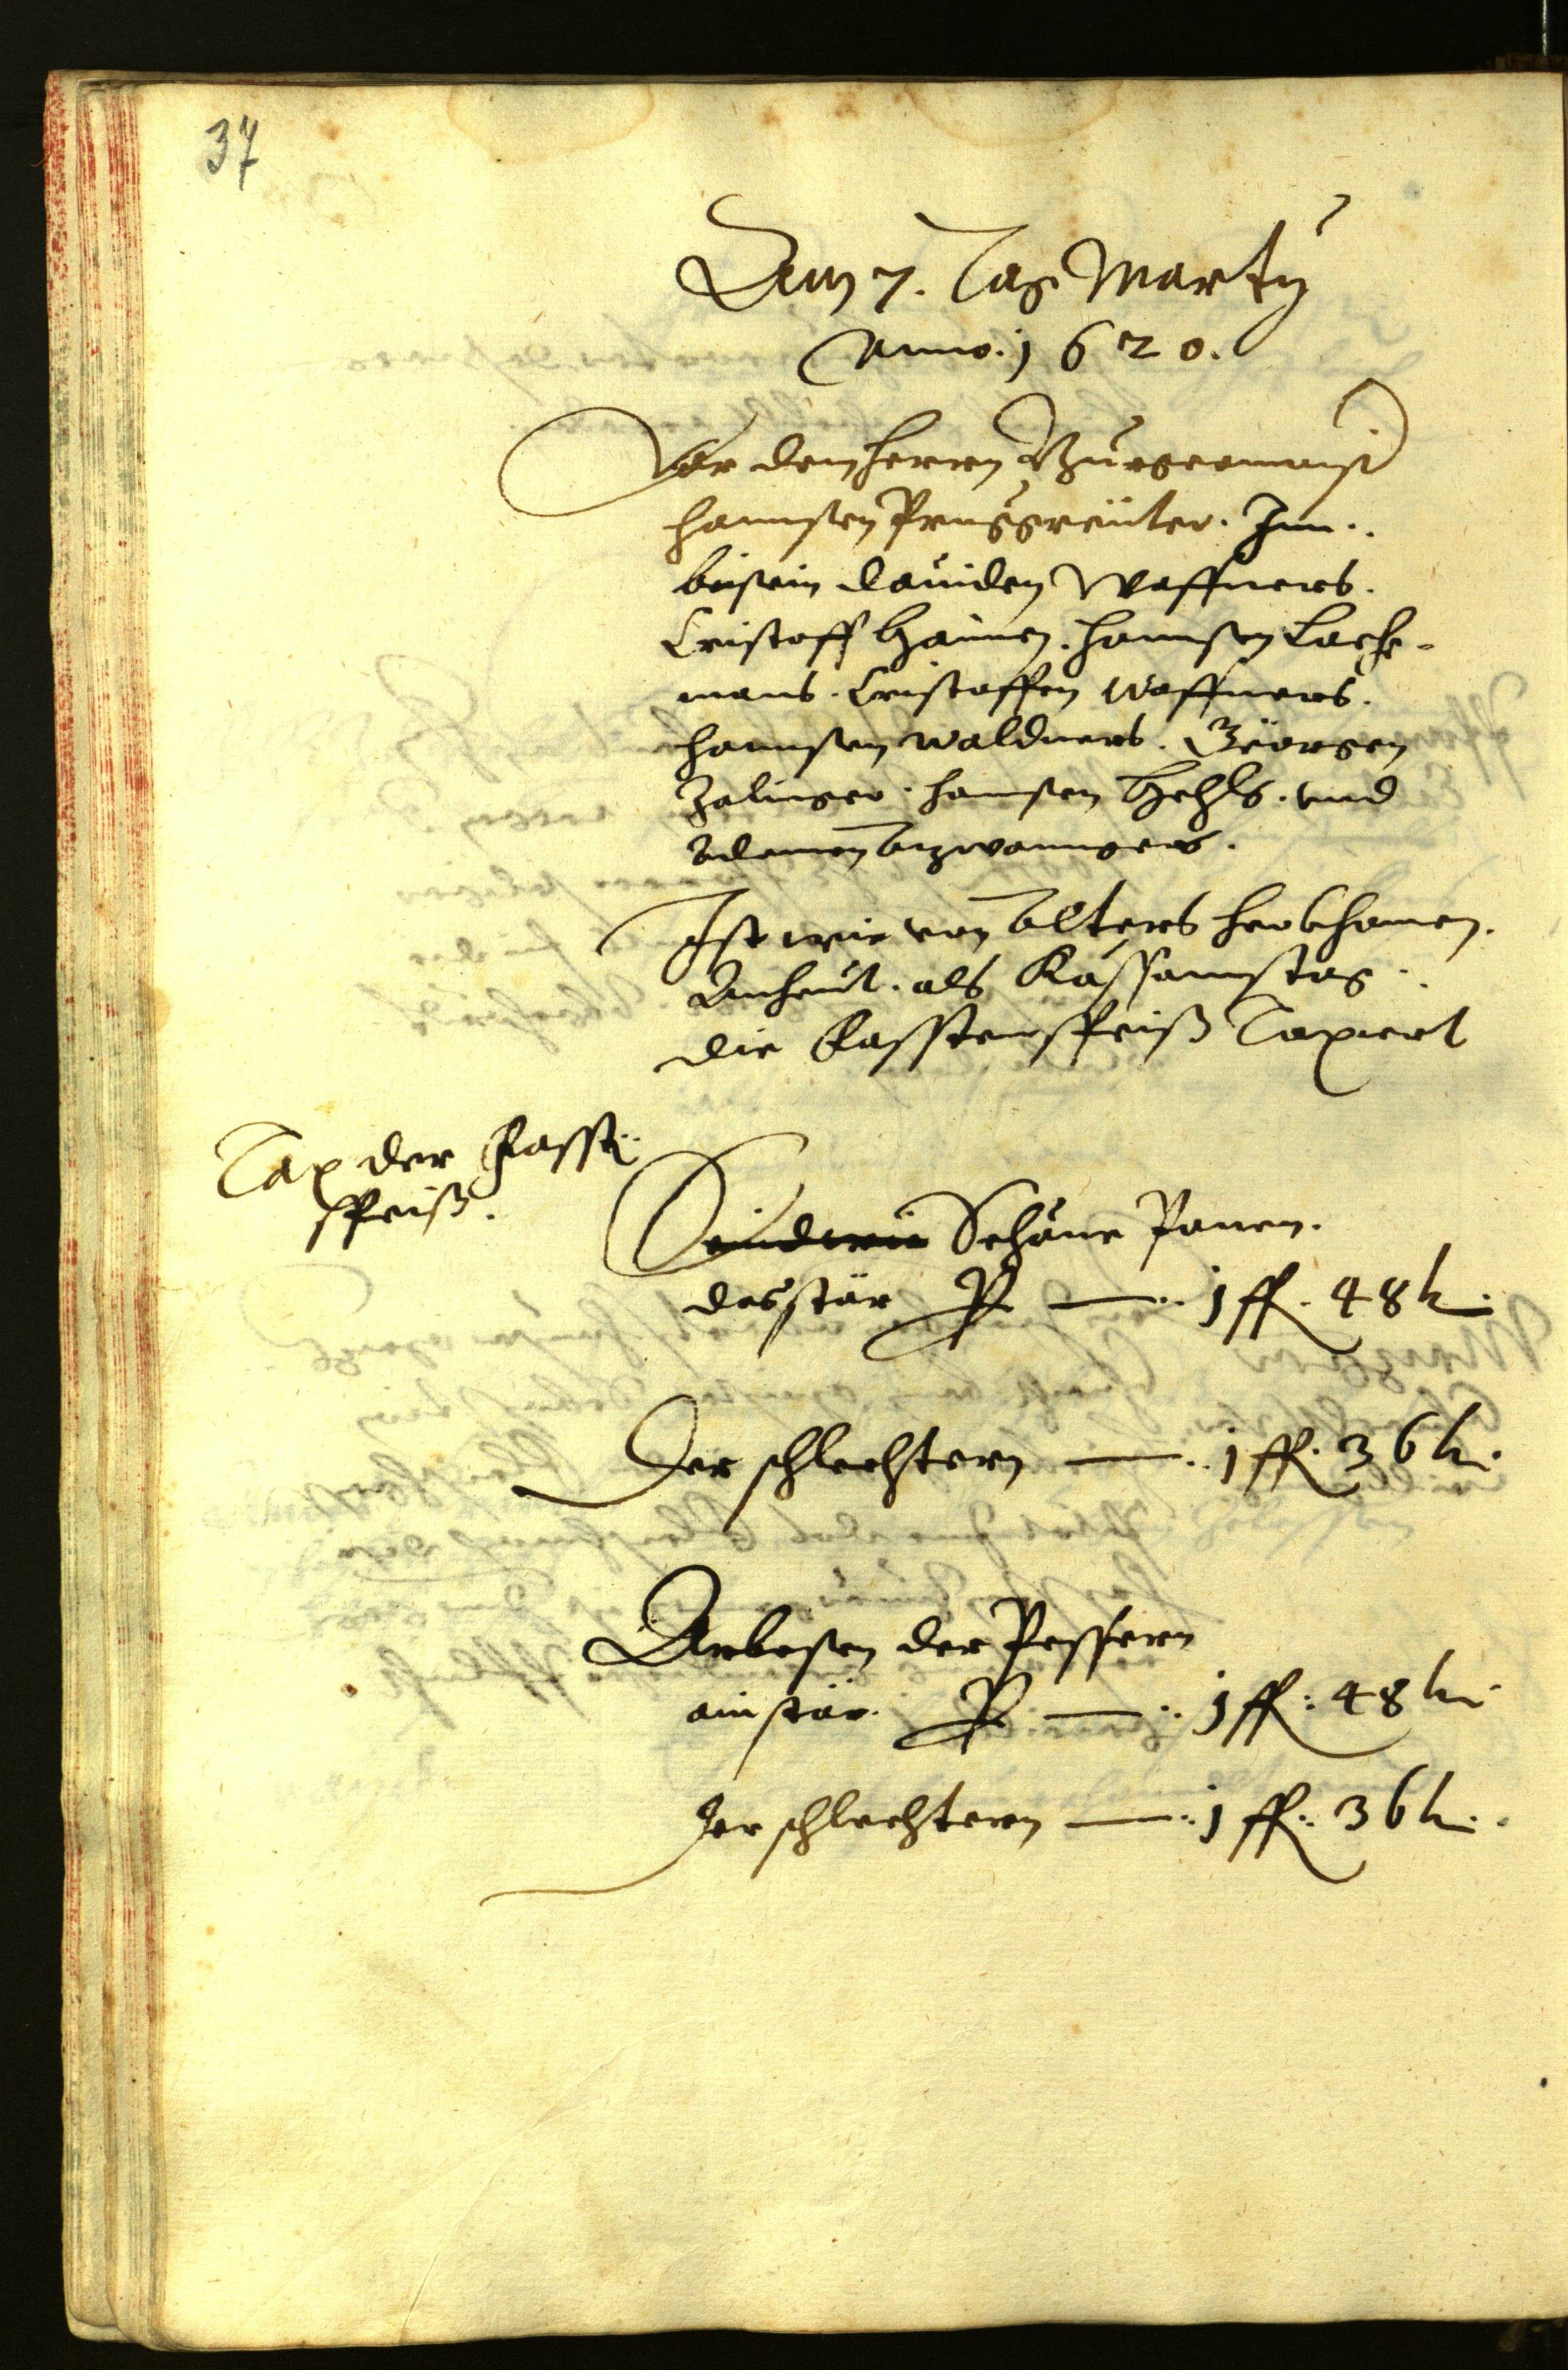37
Am 7.Tag Martȳ
Anno. 1620.
Vor den herrn Būrgermaist
hannsen Prūggreüter. Inn¬
beisein Daūiden Waffners.
Cristoff Haimen. hannsen Loche¬
mans. Cristoffen Waffners.
hannsen Waldners. Geörgen
Zalinger. hannsen Hehls. vnd
Adamen Azwanngers.
Ist wie von Alters herkhomen.
Anheūt. als Kāssamstag.
Die Fasstenspeiß Taxiert
Tax der Fasst¬
speiß.
Seindwie Schōne Ponen.
das stär P —: 1 fl. 48 k.
Der schlechtern —: 1 fl. 36 k.
Arbesen der Pessern
ain stär P —: 1 fl. 48 k.
der schlechtern —: 1 fl. 36 k.